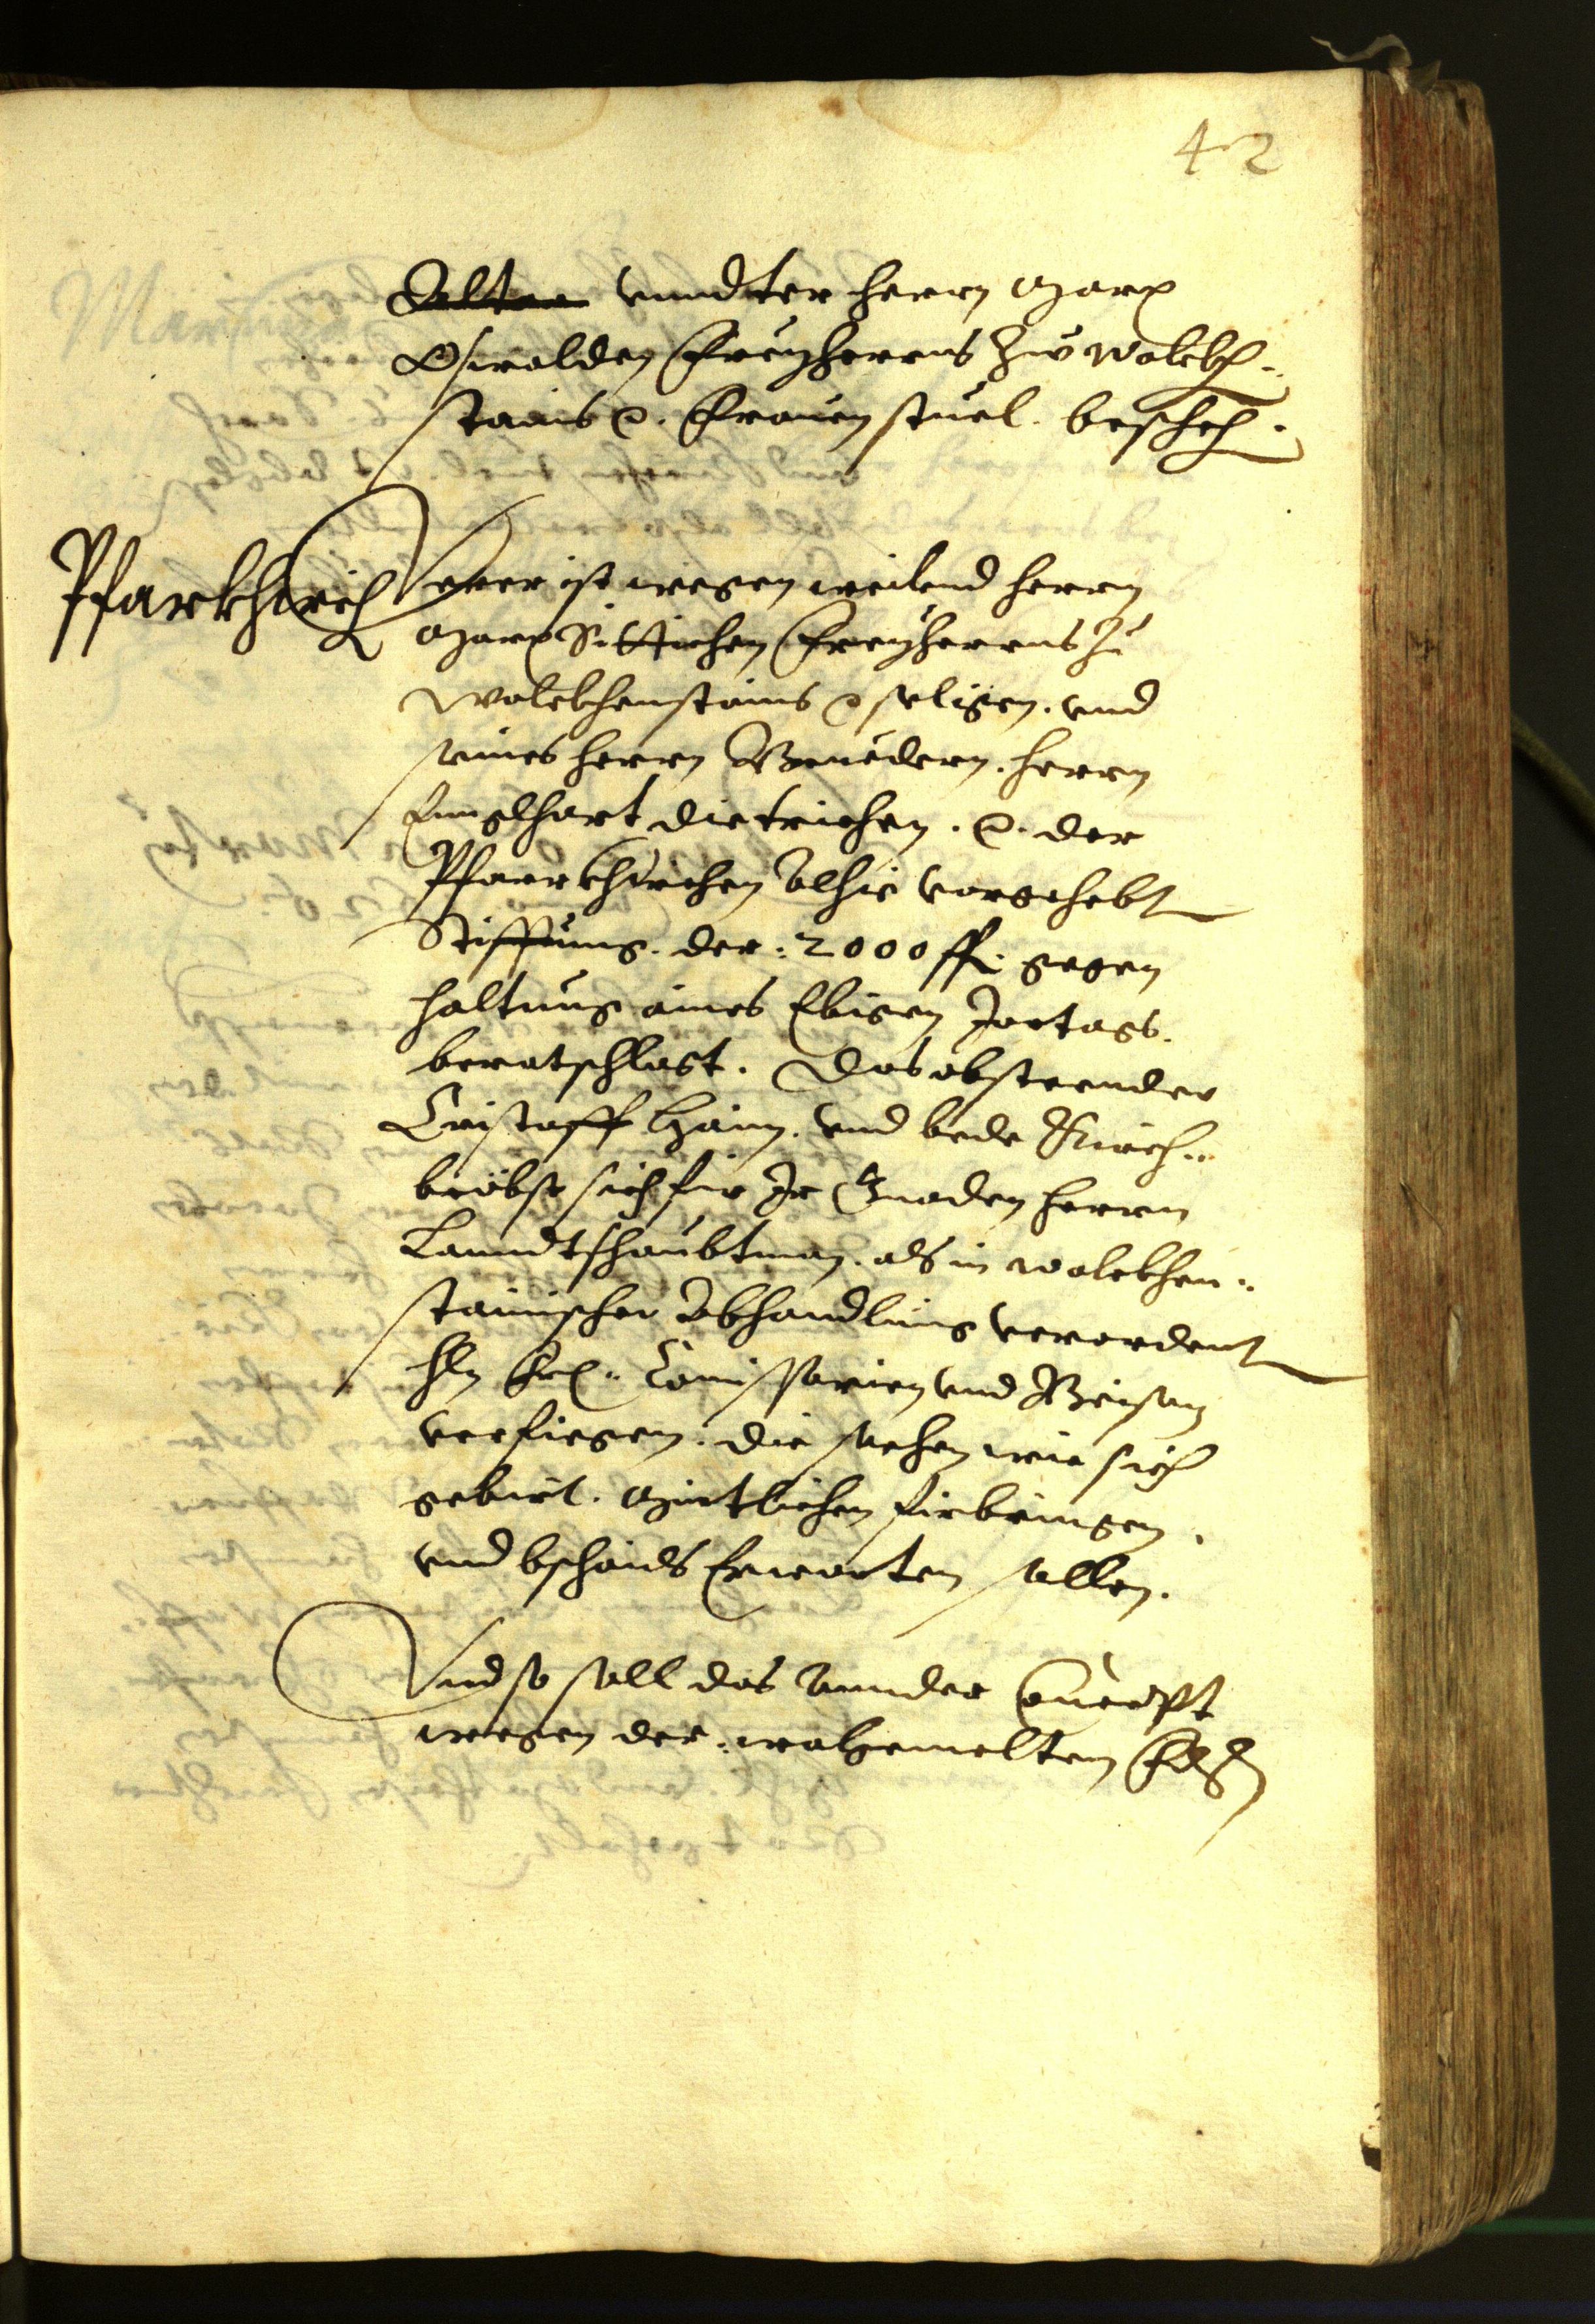42
Altar vndter herrn Marx
Oswalden Freȳherrns Zū Wolckh¬
stains etc. Fraūen stūel bescheh.
Verer ist wegen weilend herrn
Marx Sittichen Freȳherrns Zū
Wolckhenstains etc. seligen. vnd
seines herrn Brūedern. herrn
Ennglhart Dietrichen. etc. der
Pfarrkhirchen Alhie vorgehebt
Stifftūng. der: 2000 fl. gegen
Haltūng aines Ewigen Jartags.
beratschlagt. das obsteender
Cristoff Haim. vnd bede Kirch¬
bröbst sich fir Ir Gnaden herrn
Lanndtshaūbtman. als in wolckhen¬
stainischer Abhandlūng verordent
hln Frl: Commissarien vnd Beistand
verfiegen. die stehen wie sich
gebirt. Mintlichen firbringen.
vnd bschaids Erwarten sollen.
Pfarrkhirch
Vnd so soll das Annder Concept
wegen der: wolgemelten F